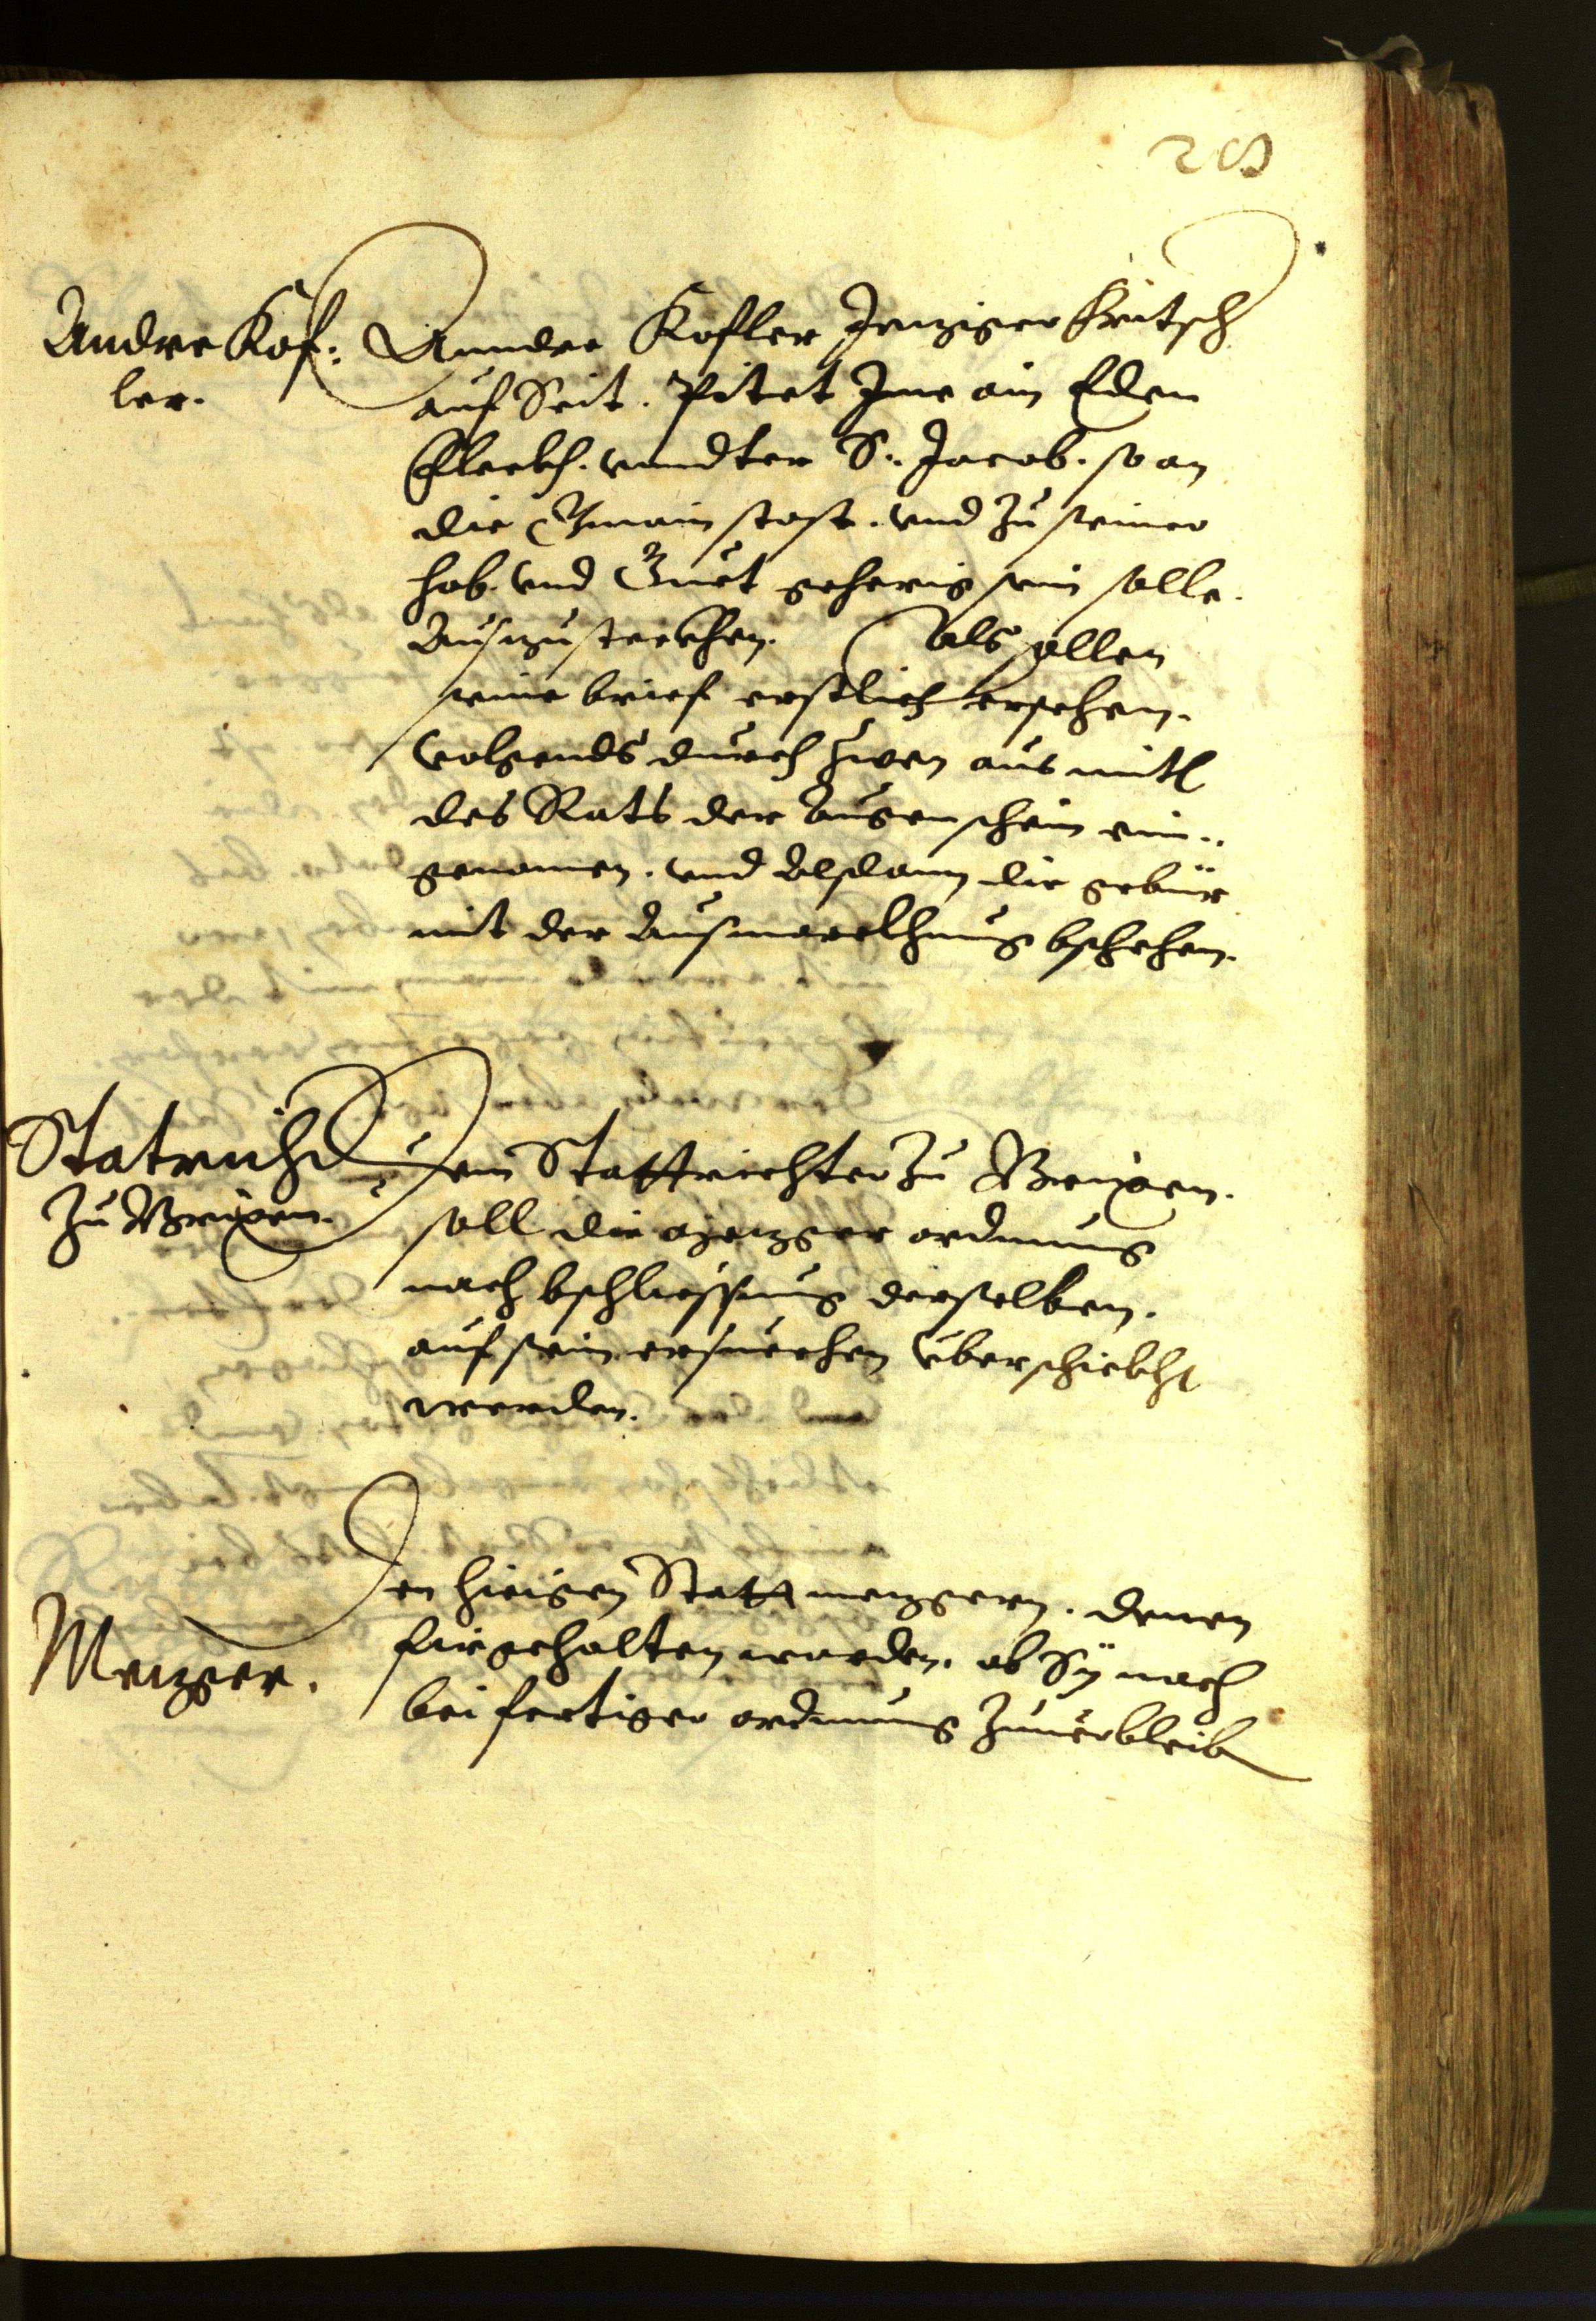28
Andre Kof¬
ler.
Anndre Kofler Jetziger Fritsch
aūf Seit. Pitet Ime ain Edlen
Fleckh. vndter S: Jacob. so an
die Gmain stost. vnd Zū seiner
hab. vnd Gūet geherig sein solle.
Aūszūsteckhen. Als sollen
seine brief erstlich ersehen.
volgends dūrch Zwen aūs mitl
des Rats der Aūgenschein ein¬
genomen. vnd Alsdann die gebür
mit der Aūsmerckhūng beschehen.
Dem Stattrichter Zū Brixen.
soll die Mezger ordnūng
nach bschliessūng derselben.
aūf sein ersūechen v̄berschickht
werden.
Statricht
Zū Brixen.
Den hieigen Stattmezgern. denen
fir gehalten worden. ob Sÿ noch
bei fertiger ordnūng Zūūerbleib
Mezger.